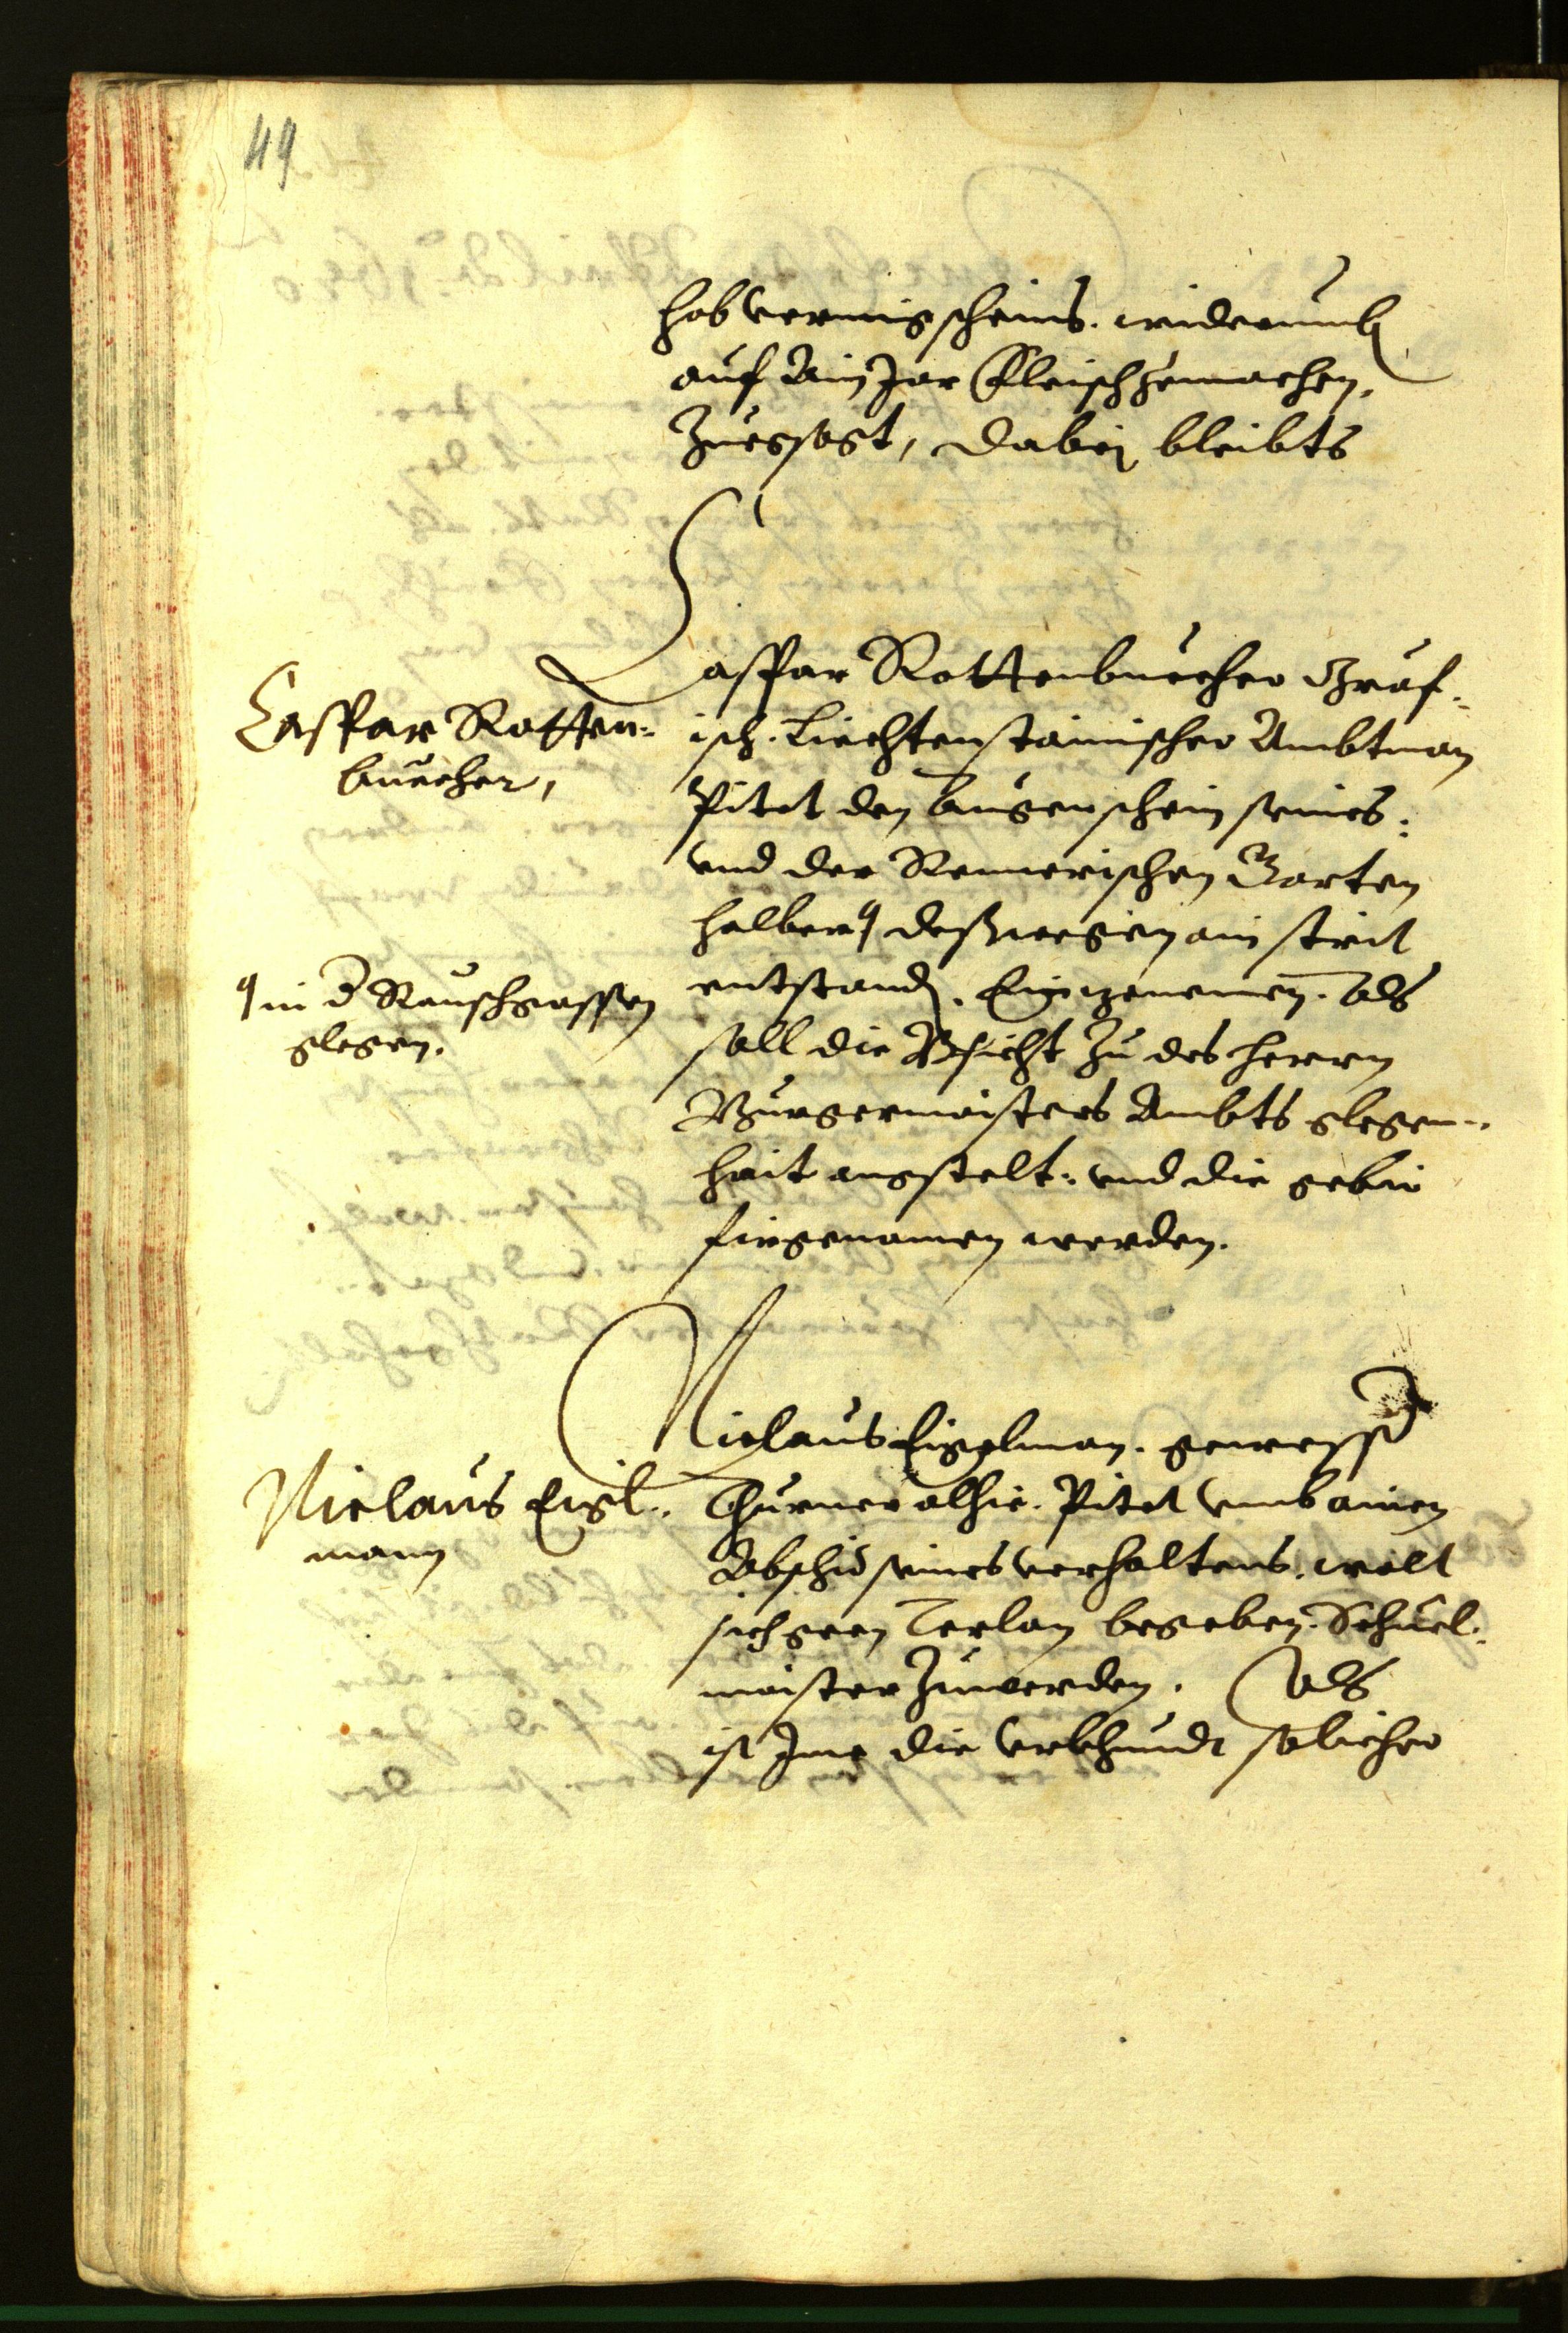49
hab vermig scheins. widerūmb
aūf Ain Jar Fleisch Zemachen.
Zūegsagt, dabej bleibts
Caspar Rottenbūecher Grāf¬
isch. Liechtenstainischer Ambtman
Pitet den Aūgenschein seines¬
vnd der Rennerischen Garten
halber deßwegen ain streit
entstand. Einzenemen. Als
soll die Bsicht Zū des herrn
Būrgermaisters Ambts glegen¬
hait angestelt: vnd die gebir
firgenomen werden.
Caspar Rotten¬
būecher,
in d Rauschgassen
glegen.
Niclaūs Eigl¬
mann
Niclaūs Eigelman. gewesst
Thūrner alhie. Pitet vmb ainen
Abschid seines verhaltens. wolt
sich geen Terlan begeben. Schūel¬
maister Zūwerden. Als
ist Ime die vrkhūndt solicher